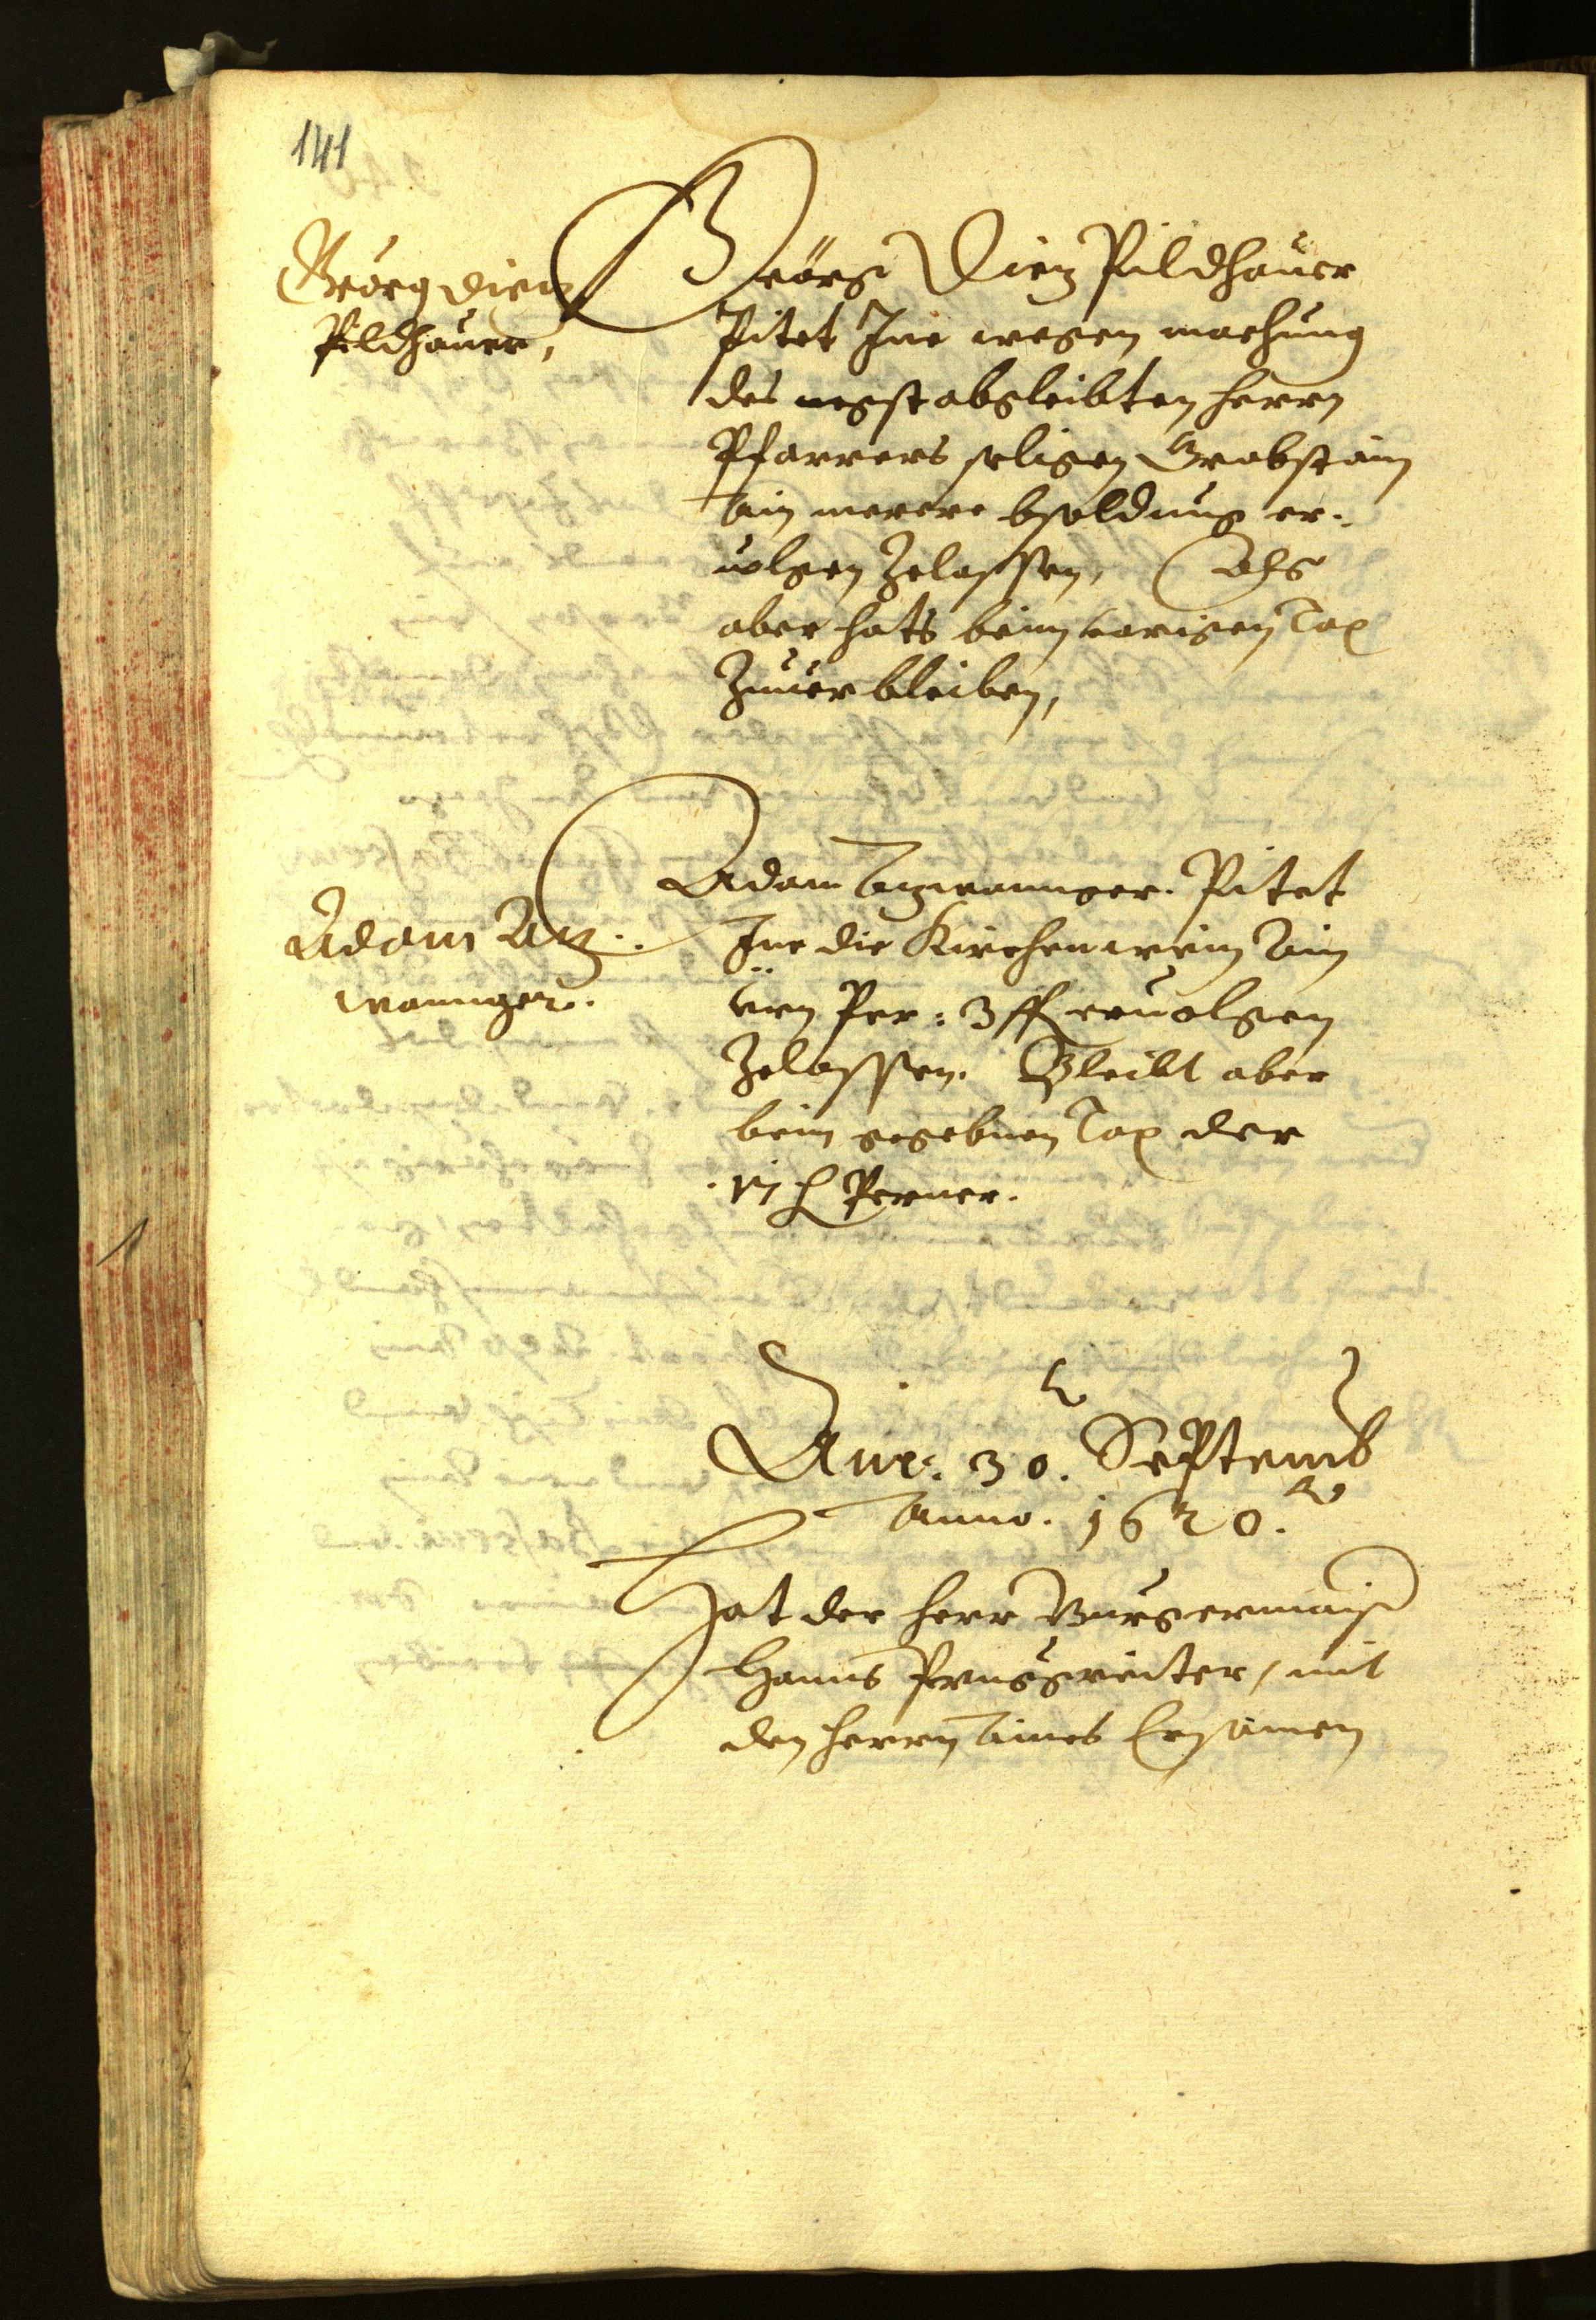141
Geörg Diez Pildhaūer
Pitet Ine wegen machūng
des negst abgleibten herrn
Pfarrers seligen Grabstain
Ain merere bsoldūng er¬
ūolgen Zelassen, Als
aber hats beim vorigen Tax
Zūūerbleiben,
Geōrg diez
Pildhaūer,
Adam Azwannger. Pitet
Ine die Kirchenwein Ain
v̈rn Per: 3 fl erūolgen
Zelassen. Bleibt aber
beim gegebnen Tax der
.12 L Perner.
Adam Az¬
wannger.
t
Am: 30. SePtemb
Anno .1620.t
Hat der herr Būrgermaist
Hanns Prūggreiter, mit
den herrn Aines Ersamen